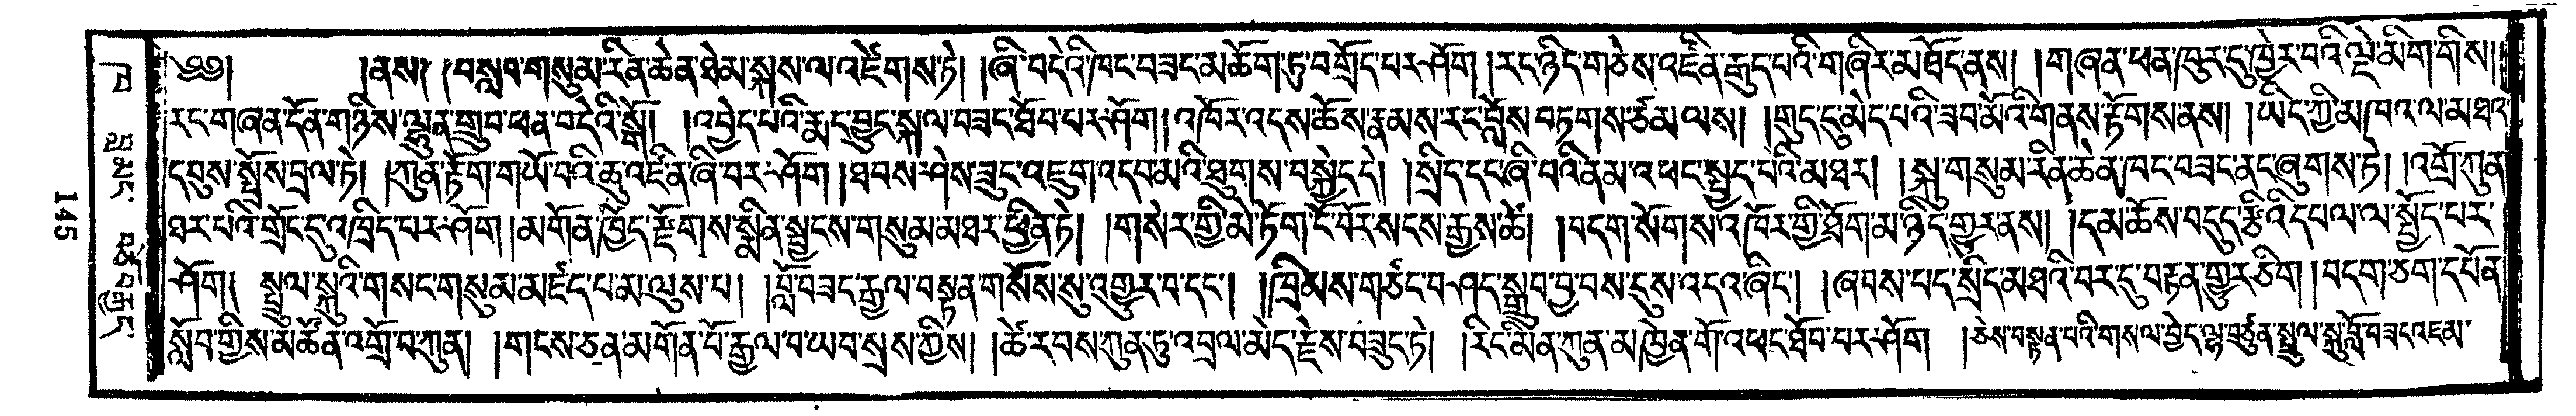༄༅། །ནས༑ ༑བསླབ་གསུམ་རིན་ཆེན་ཐེམ་སྐས་ལ་འཛེགས་ཏེ། །ཞི་བདེའི་ཁང་བཟང་མཆོག་ཏུ་བགྲོད་པར་ཤོག །རང་ཉིད་གཅེས་འཛིན་རྒུད་པའི་གཞིར་མཐོད་ནས། །གཞན་ཕན་ཁུར་དུ་ཁྱེར་བའི་ལྡེ་མིག་གིས།།
རང་གཞན་དོན་གཉིས་ལྷུན་གྲུབ་ཕན་བདེའི་སྒོ། །འབྱེད་པའི་རྨད་བྱུང་སྐལ་བཟང་ཐོབ་པར་ཤོག །འཁོར་འདས་ཆོས་རྣམས་རང་བློས་བཏགས་ཙམ་ལས། །གུད་དུ་མེད་པའི་ཟབ་མོའི་གནས་རྟོགས་ནས། །ཡིད་ཀྱི་མཁའ་ལ་མཐའ་
དབུས་སྤྲོས་བྲལ་ཏེ། །ཀུན་རྟོག་གཡོ་བའི་ཆུ་འཛིན་ཞི་བར་ཤོག །ཐབས་ཤེས་ཟུང་འཇུག་འདབ་མའི་ཐུགས་བསྐྱེད་དེ། །སྲིད་དང་ཞི་བའི་ནམ་འཕང་སྤྱད་པའི་མཐར། །སྐུ་གསུམ་རིན་ཆེན་ཁང་བཟང་ནང་ཞུགས་ཏེ། །འགྲོ་ཀུན་
ཐར་པའི་གྲོང་དུ་འཁྲིད་པར་ཤོག །མགོན་ཁྱོད་རྫོགས་སྨིན་སྦྱངས་གསུམ་མཐར་ཕྱིན་ཏེ། །གསེར་གྱི་མེ་ཏོག་ངོ་བོར་སངས་རྒྱས་ཚེ། །བདག་སོགས་འཁོར་གྱི་ཐོག་མ་ཉིད་གྱུར་ནས། །དམ་ཆོས་བདུད་རྩིའི་དཔལ་ལ་སྤྱོད་པར་
ཤོག༑ སྤྲུལ་སྐུའི་གསང་གསུམ་མཛད་པ་མ་ལུས་པ། །བློ་བཟང་རྒྱལ་བསྟན་གསོས་སུ་འགྱུར་བ་དང་། །ཁྲིམས་གཙང་བཤད་སྒྲུབ་བྱ་བས་དུས་འདའ་ཞིང་། །ཞབས་པད་སྲིད་མཐའི་བར་དུ་བརྟན་གྱུར་ཅིག །བདག་ཅག་དཔོན་
སློབ་གྱིས་མཚོན་འགྲོ་བ་ཀུན། །གངས་ཅན་མགོན་པོ་རྒྱལ་བ་ཡབ་སྲས་ཀྱིས། །ཚེ་རབས་ཀུན་ཏུ་འབྲལ་མེད་རྗེས་བཟུང་ཏེ། །རིང་མིན་ཀུན་མཁྱེན་གོ་འཕང་ཐོབ་པར་ཤོག །ཅེས་བསྟན་པའི་གསལ་བྱེད་ལྷ་བཙུན་སྤྲུལ་སྐུ་བློ་བཟང་འཇམ་